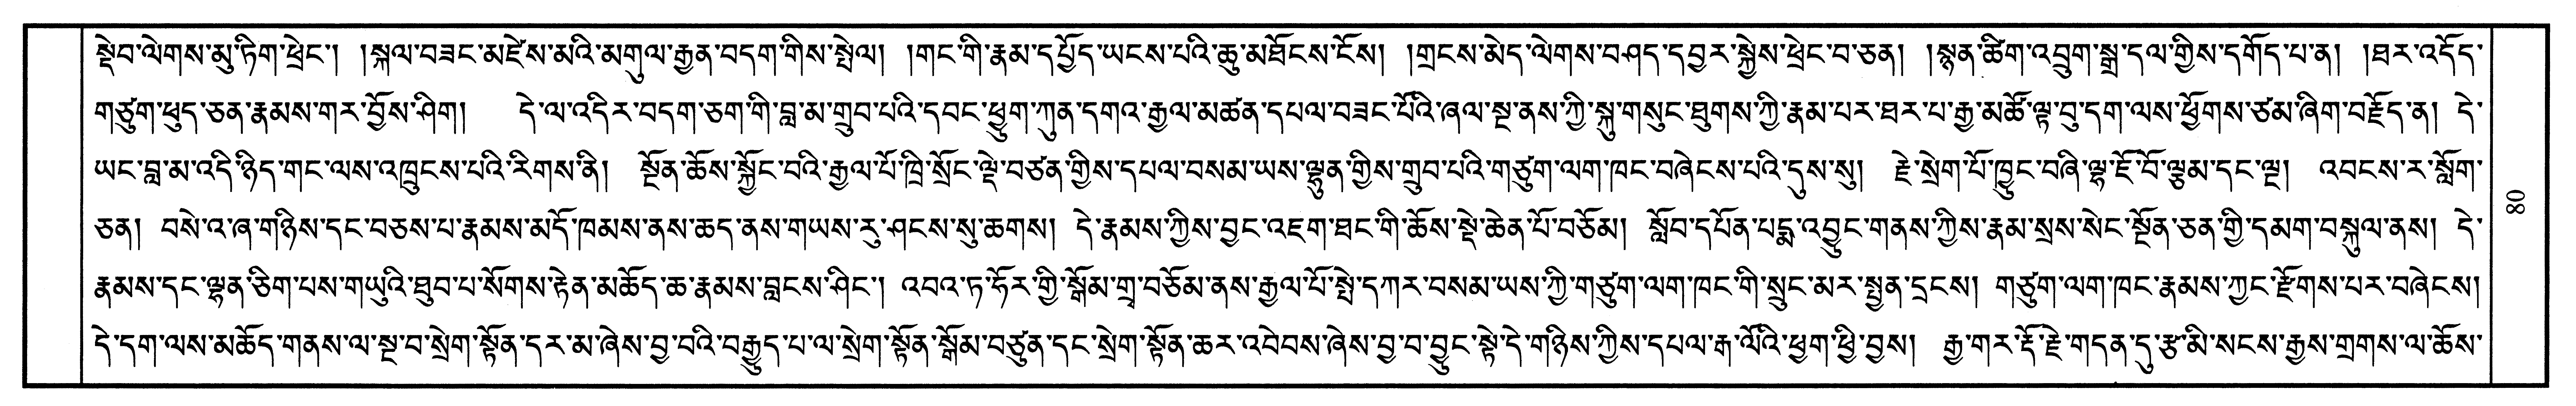སྡེབ་ལེགས་མུ་ཏིག་ཕྲེང་། །སྐལ་བཟང་མཛེས་མའི་མགུལ་རྒྱན་བདག་གིས་སྤེལ། །གང་གི་རྣམ་དཔྱོད་ཡངས་པའི་ཆུ་མཐོངས་ངོས། །གྲངས་མེད་ལེགས་བཤད་དབྱར་སྐྱེས་ཕྲེང་བ་ཅན། །སྙན་ཚིག་འབྲུག་སྒྲ་དལ་གྱིས་དགོད་པ་ན། །ཐར་འདོད་
གཙུག་ཕུད་ཅན་རྣམས་གར་བྱོས་ཤིག། དེ་ལ་འདིར་བདག་ཅག་གི་བླ་མ་གྲུབ་པའི་དབང་ཕྱུག་ཀུན་དགའ་རྒྱལ་མཚན་དཔལ་བཟང་པོའི་ཞལ་སྔ་ནས་ཀྱི་སྐུ་གསུང་ཐུགས་ཀྱི་རྣམ་པར་ཐར་པ་རྒྱ་མཚོ་ལྟ་བུ་དག་ལས་ཕྱོགས་ཙམ་ཞིག་བརྗོད་ན། དེ་
ཡང་བླ་མ་འདི་ཉིད་གང་ལས་འཁྲུངས་པའི་རིགས་ནི། སྔོན་ཆོས་སྐྱོང་བའི་རྒྱལ་པོ་ཁྲི་སྲོང་ལྡེ་བཙན་གྱིས་དཔལ་བསམ་ཡས་ལྷུན་གྱིས་གྲུབ་པའི་གཙུག་ལག་ཁང་བཞེངས་པའི་དུས་སུ། རྗེ་སྲེག་པོ་ཁྱུང་བཞི་ལྷ་ཇོ་བོ་ལྕམ་དང་ལྔ། འབངས་ར་སློག་
ཅན། བསེ་འ་ཞ་གཉིས་དང་བཅས་པ་རྣམས་མདོ་ཁམས་ནས་ཆད་ནས་གཡས་རུ་ཤངས་སུ་ཆགས། དེ་རྣམས་ཀྱིས་བྱང་འཇག་ཐང་གི་ཆོས་སྡེ་ཆེན་པོ་བཅོམ། སློབ་དཔོན་པདམ་འབྱུང་གནས་ཀྱིས་རྣམ་སྲས་སེང་སྔོན་ཅན་གྱི་དམག་བསྐུལ་ནས། དེ་
རྣམས་དང་ལྷན་ཅིག་པས་གཡུའི་ཐུབ་པ་སོགས་རྟེན་མཆོད་ཆ་རྣམས་བླངས་ཤིང་། འབའ་ཏ་ཧོར་གྱི་སྒོམ་གྲྭ་བཅོམ་ནས་རྒྱལ་པོ་སྤེ་དཀར་བསམ་ཡས་ཀྱི་གཙུག་ལག་ཁང་གི་སྲུང་མར་སྤྱན་དྲངས། གཙུག་ལག་ཁང་རྣམས་ཀྱང་རྫོགས་པར་བཞེངས།
དེ་དག་ལས་མཆོད་གནས་ལ་སྔ་བ་སྲེག་སྟོན་དར་མ་ཞེས་བྱ་བའི་བརྒྱུད་པ་ལ་སྲེག་སྟོན་སྒོམ་བཙུན་དང་སྲེག་སྟོན་ཆར་འབེབས་ཞེས་བྱ་བ་བྱུང་སྟེ་དེ་གཉིས་ཀྱིས་དཔལ་རྒ་ལོའི་ཕྱག་ཕྱི་བྱས། རྒྱ་གར་རྡོ་རྗེ་གདན་དུ་རྩ་མི་སངས་རྒྱས་གྲགས་ལ་ཆོས་